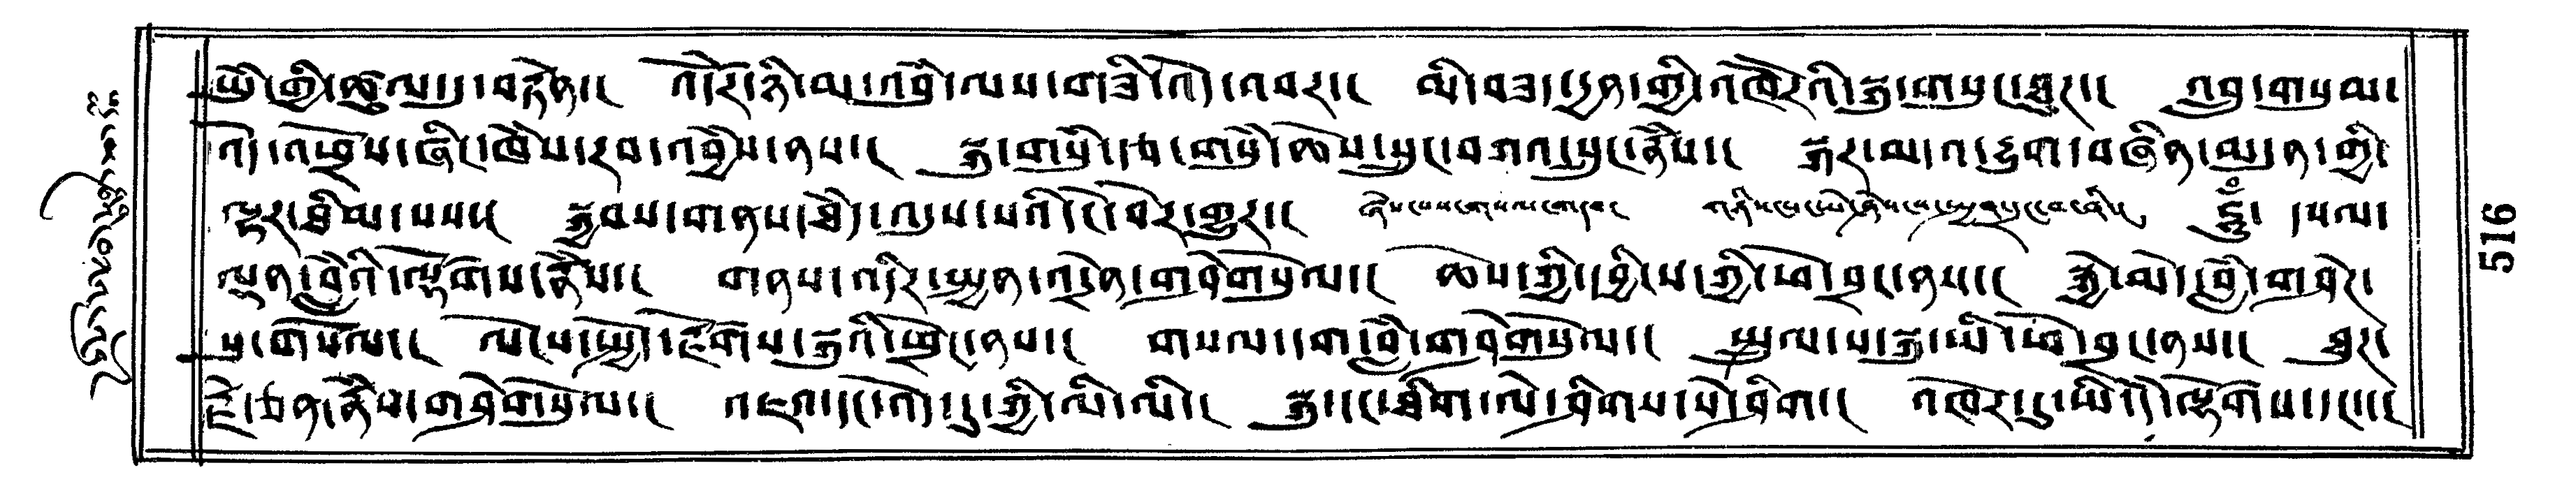ཡུམ་གྱི་ཚུལ་དུ་བརྟེན། །འོད་ཟེར་ཉི་མ་འབུམ་ལས་གཟི་འོད་འབར། །མི་བཟད་རྒྱན་གྱི་འཁོར་ལོའི་སྐུ་གསུང་ཐུགས། །འབྲུ་གསུམ་
འོད་འཕྲོས་ཞིང་ཁམས་རབ་འབྱམས་ནས། །སྐུ་གསུམ་རྩ་གསུམ་ཆོས་སྲུང་བཀའ་སྲུང་རྣམས། །སྐར་མདའ་རྒྱུག་བཞིན་མདུན་གྱི་
ལྷར་ཐིམ་པས། །སྐྱབས་གནས་ཐམས་ཅད་འདུས་པའི་ངོ་བོར་གྱུར། ཅེས་པས་གསལ་གདབ། གཉིས་པ་ཡེ་ཤེས་པ་སྤྱན་དྲང་བ་ནི། ཧཱུྃ། དཔལ་
ལྡན་བླ་མའི་ལྷ་ཚོགས་རྣམས། །གནས་འདིར་སྤྱན་འདྲེན་གཤེགས་སུ་གསོལ། །ཆོས་ཀྱི་དབྱིངས་ཀྱི་ཕོ་བྲང་ནས། །སྐྱེ་མེད་བླ་མ་གཤེགས་
སུ་གསོལ། །ལོངས་སྤྱོད་རྫོགས་སྐུའི་ཕོ་བྲང་ནས། །གསལ་དག་བླ་མ་གཤེགས་སུ་གསོལ། །སྤྲུལ་པ་སྐུ་ཡི་ཕོ་བྲང་ནས། །ཐུགས་
རྗེ་ཅན་རྣམས་གཤེགས་སུ་གསོལ། །འཇའ་དང་འོད་དུ་ཀྱི་ལི་ལི། །སྐུ་དང་ཐིག་ལེ་ཤིགས་སེ་ཤིག །འཁོར་དུ་ཡི་དམ་ལྷ་ཚོགས་དང་།